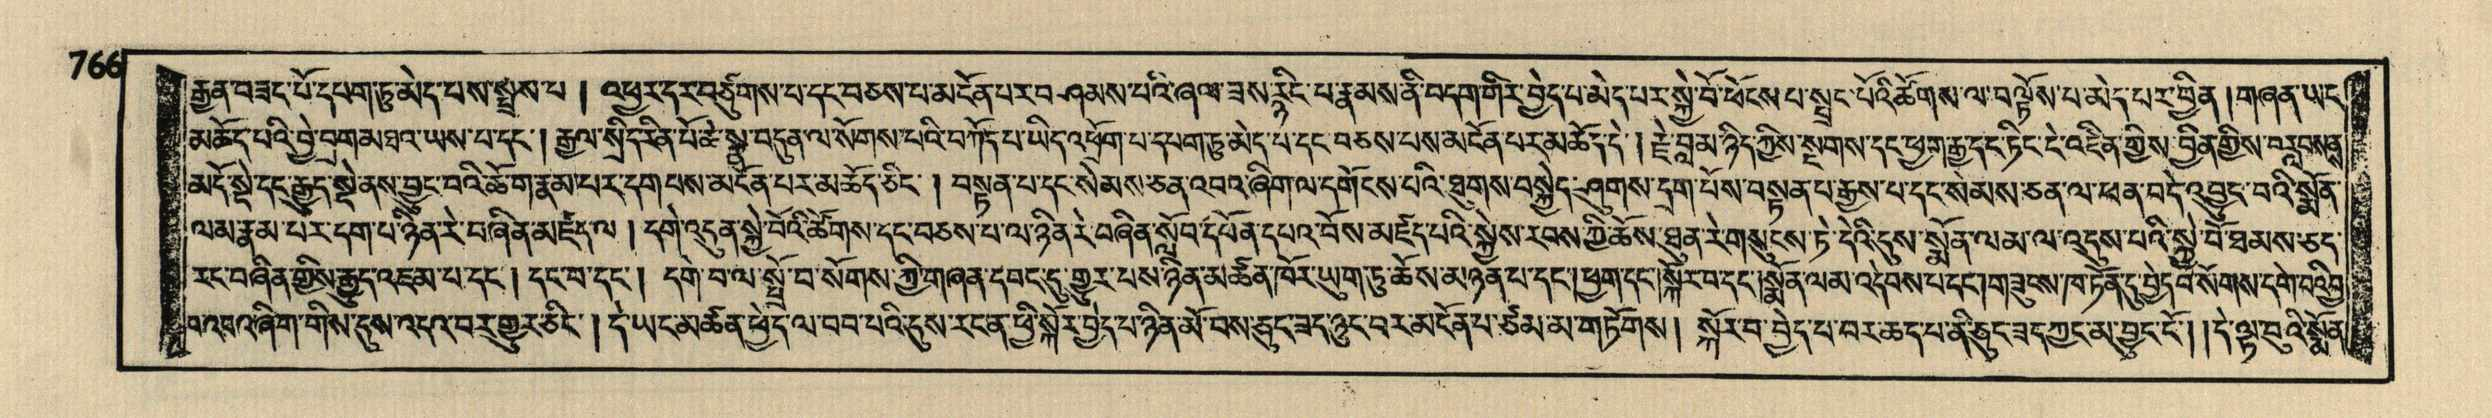རྒྱན་བཟང་པོ་དཔག་ཏུ་མེད་པས་སྤྲས་པ། འཕྱར་དར་བཙུགས་པ་དང་བཅས་པ་མངོན་པར་བཤམས་པའི་ཞལ་ཟས་རྙིང་པ་རྣམས་ནི་བདག་གིར་བྱེད་པ་མེད་པར་སྐྱེ་བོ་ཕོངས་པ་སྦྲང་པོའི་ཚོགས་ལ་བལྟོས་པ་མེད་པར་བྱིན་།གཞན་ཡང་
མཆོད་པའི་བྱེ་བྲག་མཐའ་ཡས་པ་དང་།རྒྱལ་སྲིད་རིན་པོ་ཆེ་སྣ་བདུན་ལ་སོགས་པའི་བཀོད་པ་ཡིད་འཕྲོག་པ་དཔག་ཏུ་མེད་པ་དང་བཅས་པས་མངོན་པར་མཆོད་དེ། རྗེ་བླ་མ་ཉིད་ཀྱིས་སྔགས་དང་ཕྱག་རྒྱ་དང་ཏིང་ངེ་འཛིན་གྱིས་བྱིན་གྱིས་བརླབས་ནས་
མདོ་སྡེ་དང་རྒྱུད་སྡེ་ནས་བྱུང་བའི་ཆོ་ག་རྣམ་པར་དག་པས་མངོན་པར་མཆོད་ཅིང་།བསྟན་པ་དང་སེམས་ཅན་འབའ་ཞིག་ལ་དགོངས་པའི་ཐུགས་བསྐྱེད་ཤུགས་དྲག་པོས་བསྟན་པ་རྒྱས་པ་དང་སེམས་ཅན་ལ་ཕན་བདེ་འབྱུང་བའི་སྨོན་
ལམ་རྣམ་པར་དག་པ་ཉིན་རེ་བཞིན་མཛད་ལ། དགེ་འདུན་སྐྱེ་བོའི་ཚོགས་དང་བཅས་པ་ལ་ཉིན་རེ་བཞིན་སློབ་དཔོན་དཔའ་བོས་མཛད་པའི་སྐྱེས་རབས་ཀྱི་ཆོས་ཐུན་རེ་གསུངས་ཏེ་དེའི་དུས་སྨོན་ལམ་ལ་འདུས་པའི་སྐྱེ་བོ་ཐམས་ཅད་
རང་བཞིན་གྱིས་རྒྱུད་འཇམ་པ་དང་། དང་བ་དང་། དགེ་བ་ལ་སྤྲོ་བ་སོགས་ཀྱི་གཞན་དབང་དུ་གྱུར་པས་ཉིན་མཚན་ཁོར་ཡུག་ཏུ་ཆོས་མཉན་པ་དང་།ཕྱག་དང་།སྐོར་བ་དང་། སྨོན་ལམ་འདེབས་པ་དང་།གཟུངས་ཁ་ཏོན་དུ་བྱེད་བ་སོགས་དགེ་བའི་བྱ་
བ་འབའ་ཞིག་གིས་དུས་འདའ་བར་གྱུར་ཅིང་། དེ་ཡང་མཚན་ཕྱེད་ལ་བབ་པའི་དུས་རང་ན་ཕྱི་སྐོར་བྱེད་པ་ཉིན་མོ་བས་ཅུང་ཟད་ཉུང་བར་མངོན་པ་ཙམ་མ་གཏོགས། སྐོར་བ་བྱེད་པ་བར་ཆད་པ་ནི་ཅུང་ཟད་ཀྱང་མ་བྱུང་ངོ། །དེ་ལྟ་བུའི་སྨོན་